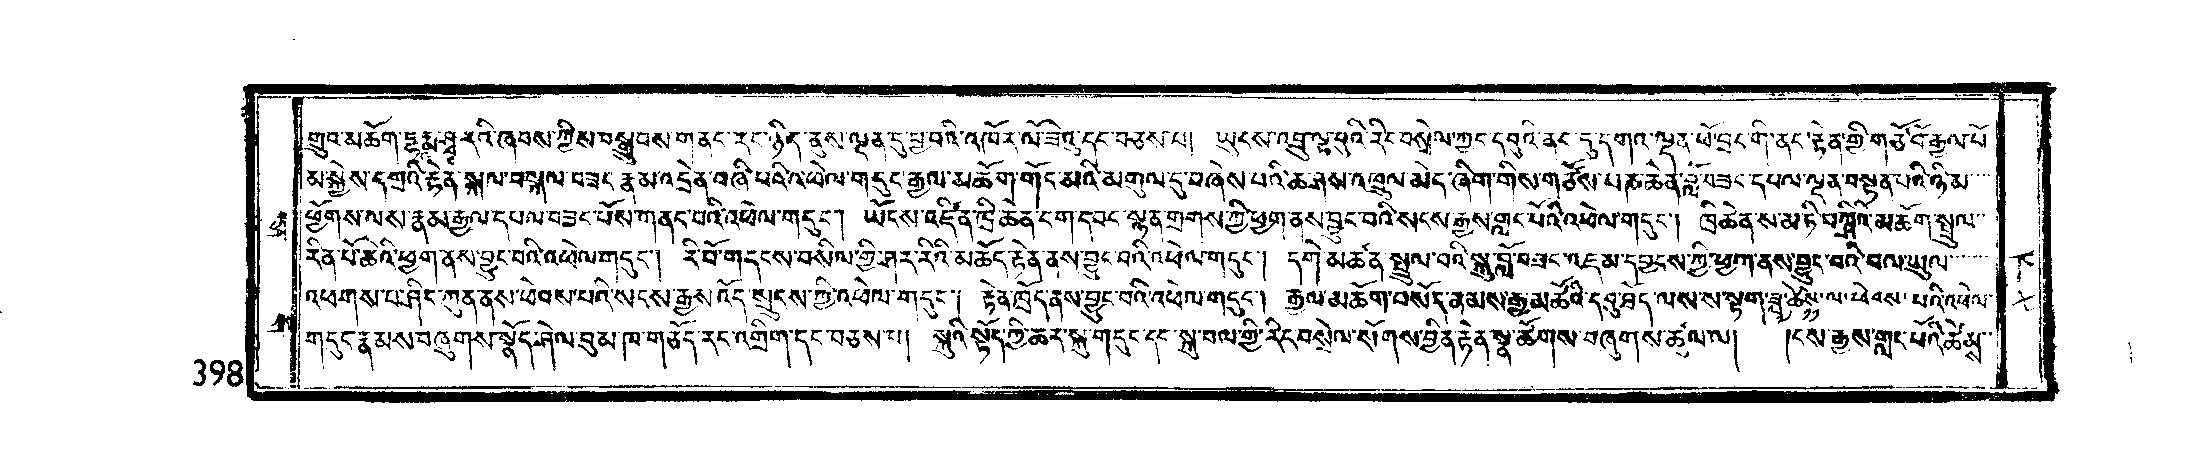གྲུབ་མཆོག་དྷརྨ་ཤྭཱ་རའི་ཞབས་ཀྱིས་བསྒྲུབས་གནང་རང་ཉིད་ནུས་ལྡན་དུ་བྱ་བའི་འཁོར་ལོ་ཟེའུ་དང་བཅས་པ། ཡུངས་འབྲུ་ལྟ་བུའི་རིང་བསྲེལ་ཀྱང་དབུའི་ནང་དུ་དགའ་ལྡན་ཕོ་བྲང་གི་ནང་རྟེན་གྱི་གཙོ་བོ་རྒྱལ་པོ་
མ་སྐྱེས་དགྲའི་རྟེན་སྐལ་བསྐལ་བཟང་རྣམ་འདྲེན་བཞི་པའི་འཕེལ་གདུང་རྒྱལ་མཆོག་གོང་མའི་མགུལ་དུ་བཞེས་པའི་ཆ་ཤས་འཁྲུལ་མེད་ཞིག་གིས་གཙོས་པཎ་ཆེན་བློ་བཟང་དཔལ་ལྡན་བསྟན་པའི་ཉི་མ་
ཕྱོགས་ལས་རྣམ་རྒྱལ་དཔལ་བཟང་པོས་གནང་བའི་འཕེལ་གདུང་། ཡོངས་འཛིན་ཁྲི་ཆེན་ངག་དབང་སྙན་གྲགས་ཀྱི་ཕྱག་ནས་བྱུང་བའི་སངས་རྒྱས་གླང་པོའི་འཕེལ་གདུང་། ཁྲི་ཆེན་ས་མ་ཏི་བཀྴིའི་མཆོག་སྤྲུལ་
རིན་པོ་ཆེའི་ཕྱག་ནས་བྱུང་བའི་འཕེལ་གདུང་། རི་བོ་གདངས་བསིལ་གྱི་ཤར་རིའི་མཆོད་རྟེན་ནས་བྱུང་བའི་འཕེལ་གདུང་། དགེ་མཚན་སྤྲུལ་བའི་སྐུ་བློ་བཟང་འཇམ་དབྱངས་ཀྱི་ཕྱག་ནས་བྱུང་བའི་བལ་ཡུལ་
འཕགས་པ་ཤིང་ཀུན་ནས་ཕེབས་པའི་སངས་རྒྱས་འོད་སྲུངས་ཀྱི་འཕེལ་གདུང་། རྟེན་ཁྲོད་ནས་བྱུང་བའི་འཕེལ་གདུང་། རྒྱལ་མཆོག་བསོད་ནམས་རྒྱ་མཚོའི་དབུ་ཐོད་ལས་ས་སྟག་ཟླ ༧་ཚེས ༡༡་ལ་ཕེབས་པའི་འཕེལ་
གདུང་རྣམས་བཞུགས་སྣོད་ཤེལ་བུམ་ཁ་གཅོད་རང་འགྲིག་དང་བཅས་པ། སྐུའི་སྟོད་ཀྱི་ཆར་སྐུ་གདུང་དང་སྐུ་བལ་གྱི་རིང་བསྲེལ་སོགས་བྱིན་རྟེན་སྣ་ཚོགས་བཞུགས་ཚུལ་ལ། །ངས་རྒྱས་གླང་པོའི་ཚེམས་